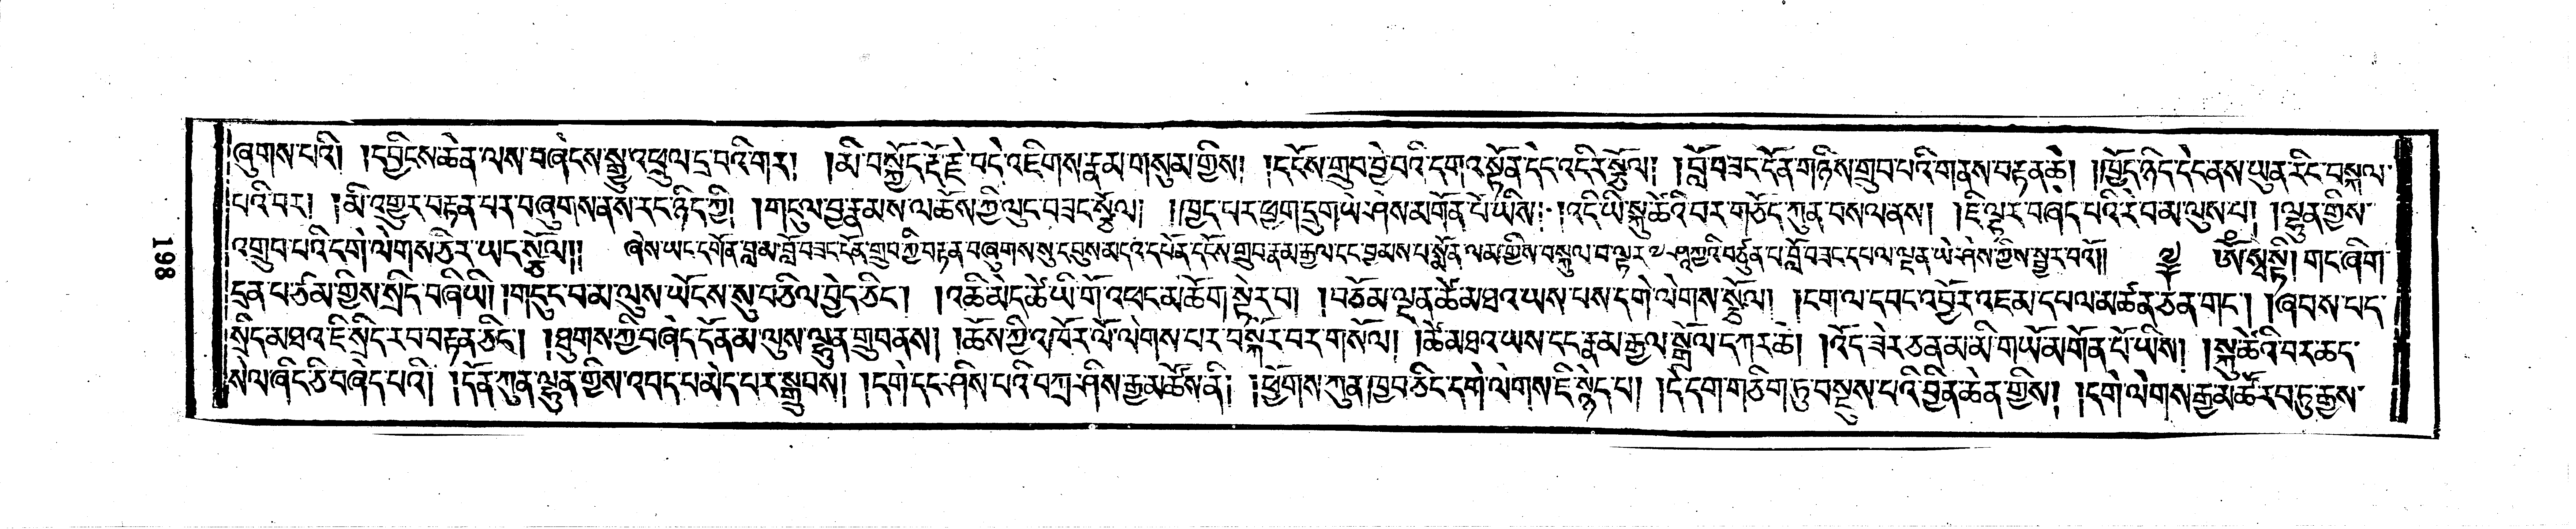ཞུགས་པའི། །དབྱིངས་ཆེན་ལས་བཞེངས་སྒྱུ་འཕྲུལ་དྲ་པའི་གར། །མི་བསྐྱོད་རྡོ་རྗེ་བདེ་འཇིགས་རྣམ་གསུམ་གྱིས། །དངོས་གྲུབ་བྱེ་པའི་དགའ་སྟོན་དེང་འདིར་སྩོལ། །བློ་བཟང་དོན་གཉིས་གྲུབ་པའི་གནས་བརྟན་ཆེ། །ཁྱོད་ཉིད་དེང་ནས་ཡུན་རིང་བསྐལ་
པའི་བར། །མི་འགྱུར་བརྟན་པར་བཞུགས་ནས་རང་ཉིད་ཀྱི། །གདུལ་བྱ་རྣམས་ལ་ཆོས་ཀྱི་ལུང་བཟང་སྩོལ། །ཁྱད་པར་ཕྱག་དྲུག་ཡེ་ཤེས་མགོན་པོ་ཡིས། །འདི་ཡི་སྐུ་ཚེའི་བར་གཅོད་ཀུན་བསལ་ནས། །ཇི་ལྟར་བཞེད་པའི་རེ་བ་མ་ལུས་པ། །ལྷུན་གྱིས་
འགྲུབ་པའི་དགེ་ལེགས་ཅིར་ཡང་སྩོལ།། ཞེས་ཡང་དགོན་བླ་མ་བློ་བཟང་དོན་གྲུབ་ཀྱི་བརྟན་བཞུགས་སུ་དབུས་མདའ་དཔོན་དངོས་གྲུབ་རྣམ་རྒྱལ་དང་བྱམས་པ་སྨོན་ལམ་གྱིས་བསྐུལ་པ་ལྟར་༧་ཤཱཀྱའི་བཙུན་པ་བློ་བཟང་དཔལ་ལྡན་ཡེ་ཤེས་ཀྱིས་སྦྱར་བའོ།། ༈ ཨོཾ་སྭསྟི། གང་ཞིག་
དྲན་པ་ཙམ་གྱིས་སྲིད་བཞི་ཡི། །གདུང་བ་མ་ལུས་ཡོངས་སུ་བཅིལ་བྱེད་ཅིང་། །འཆི་མེད་ཚེ་ཡི་གོ་འཕང་མཆོག་སྟེར་བ། །བཅོམ་ལྡན་ཚེ་མཐའ་ཡས་པས་དགེ་ལེགས་སྩོལ། །ངག་ལ་དབང་འབྱོར་འཇམ་དཔལ་མཚན་ཅན་གང་། །ཞབས་པད་
སྲིད་མཐའ་ཇི་སྲིད་རབ་བརྟན་ཅིང་། །ཐུགས་ཀྱི་བཞེད་དོན་མ་ལུས་ལྷུན་གྲུབ་ནས། །ཆོས་ཀྱི་འཁོར་ལོ་ལེགས་པར་བསྐོར་བར་གསོལ། །ཚེ་མཐའ་ཡས་དང་རྣམ་རྒྱལ་སྒྲོལ་དཀར་ཆེ། །འོད་ཟེར་ཅན་མ་མི་གཡོ་མགོན་པོ་ཡིས། །སྐུ་ཚེའི་བར་ཆད་
སེལ་ཞིང་ཅི་བཞེད་པའི། །དོན་ཀུན་ལྷུན་གྱིས་འབད་པ་མེད་པར་སྒྲུབས། །དགེ་དང་ཤིས་པའི་བཀྲ་ཤིས་རྒྱ་མཚོས་ནི། །ཕྱོགས་ཀུན་ཁྱབ་ཅིང་དགེ་ལེགས་ཇི་སྙེད་པ། །དེ་དག་གཅིག་ཏུ་བསྡུས་པའི་བྱིན་ཆེན་གྱིས། །དགེ་ལེགས་རྒྱ་མཚོ་རབ་ཏུ་རྒྱས་